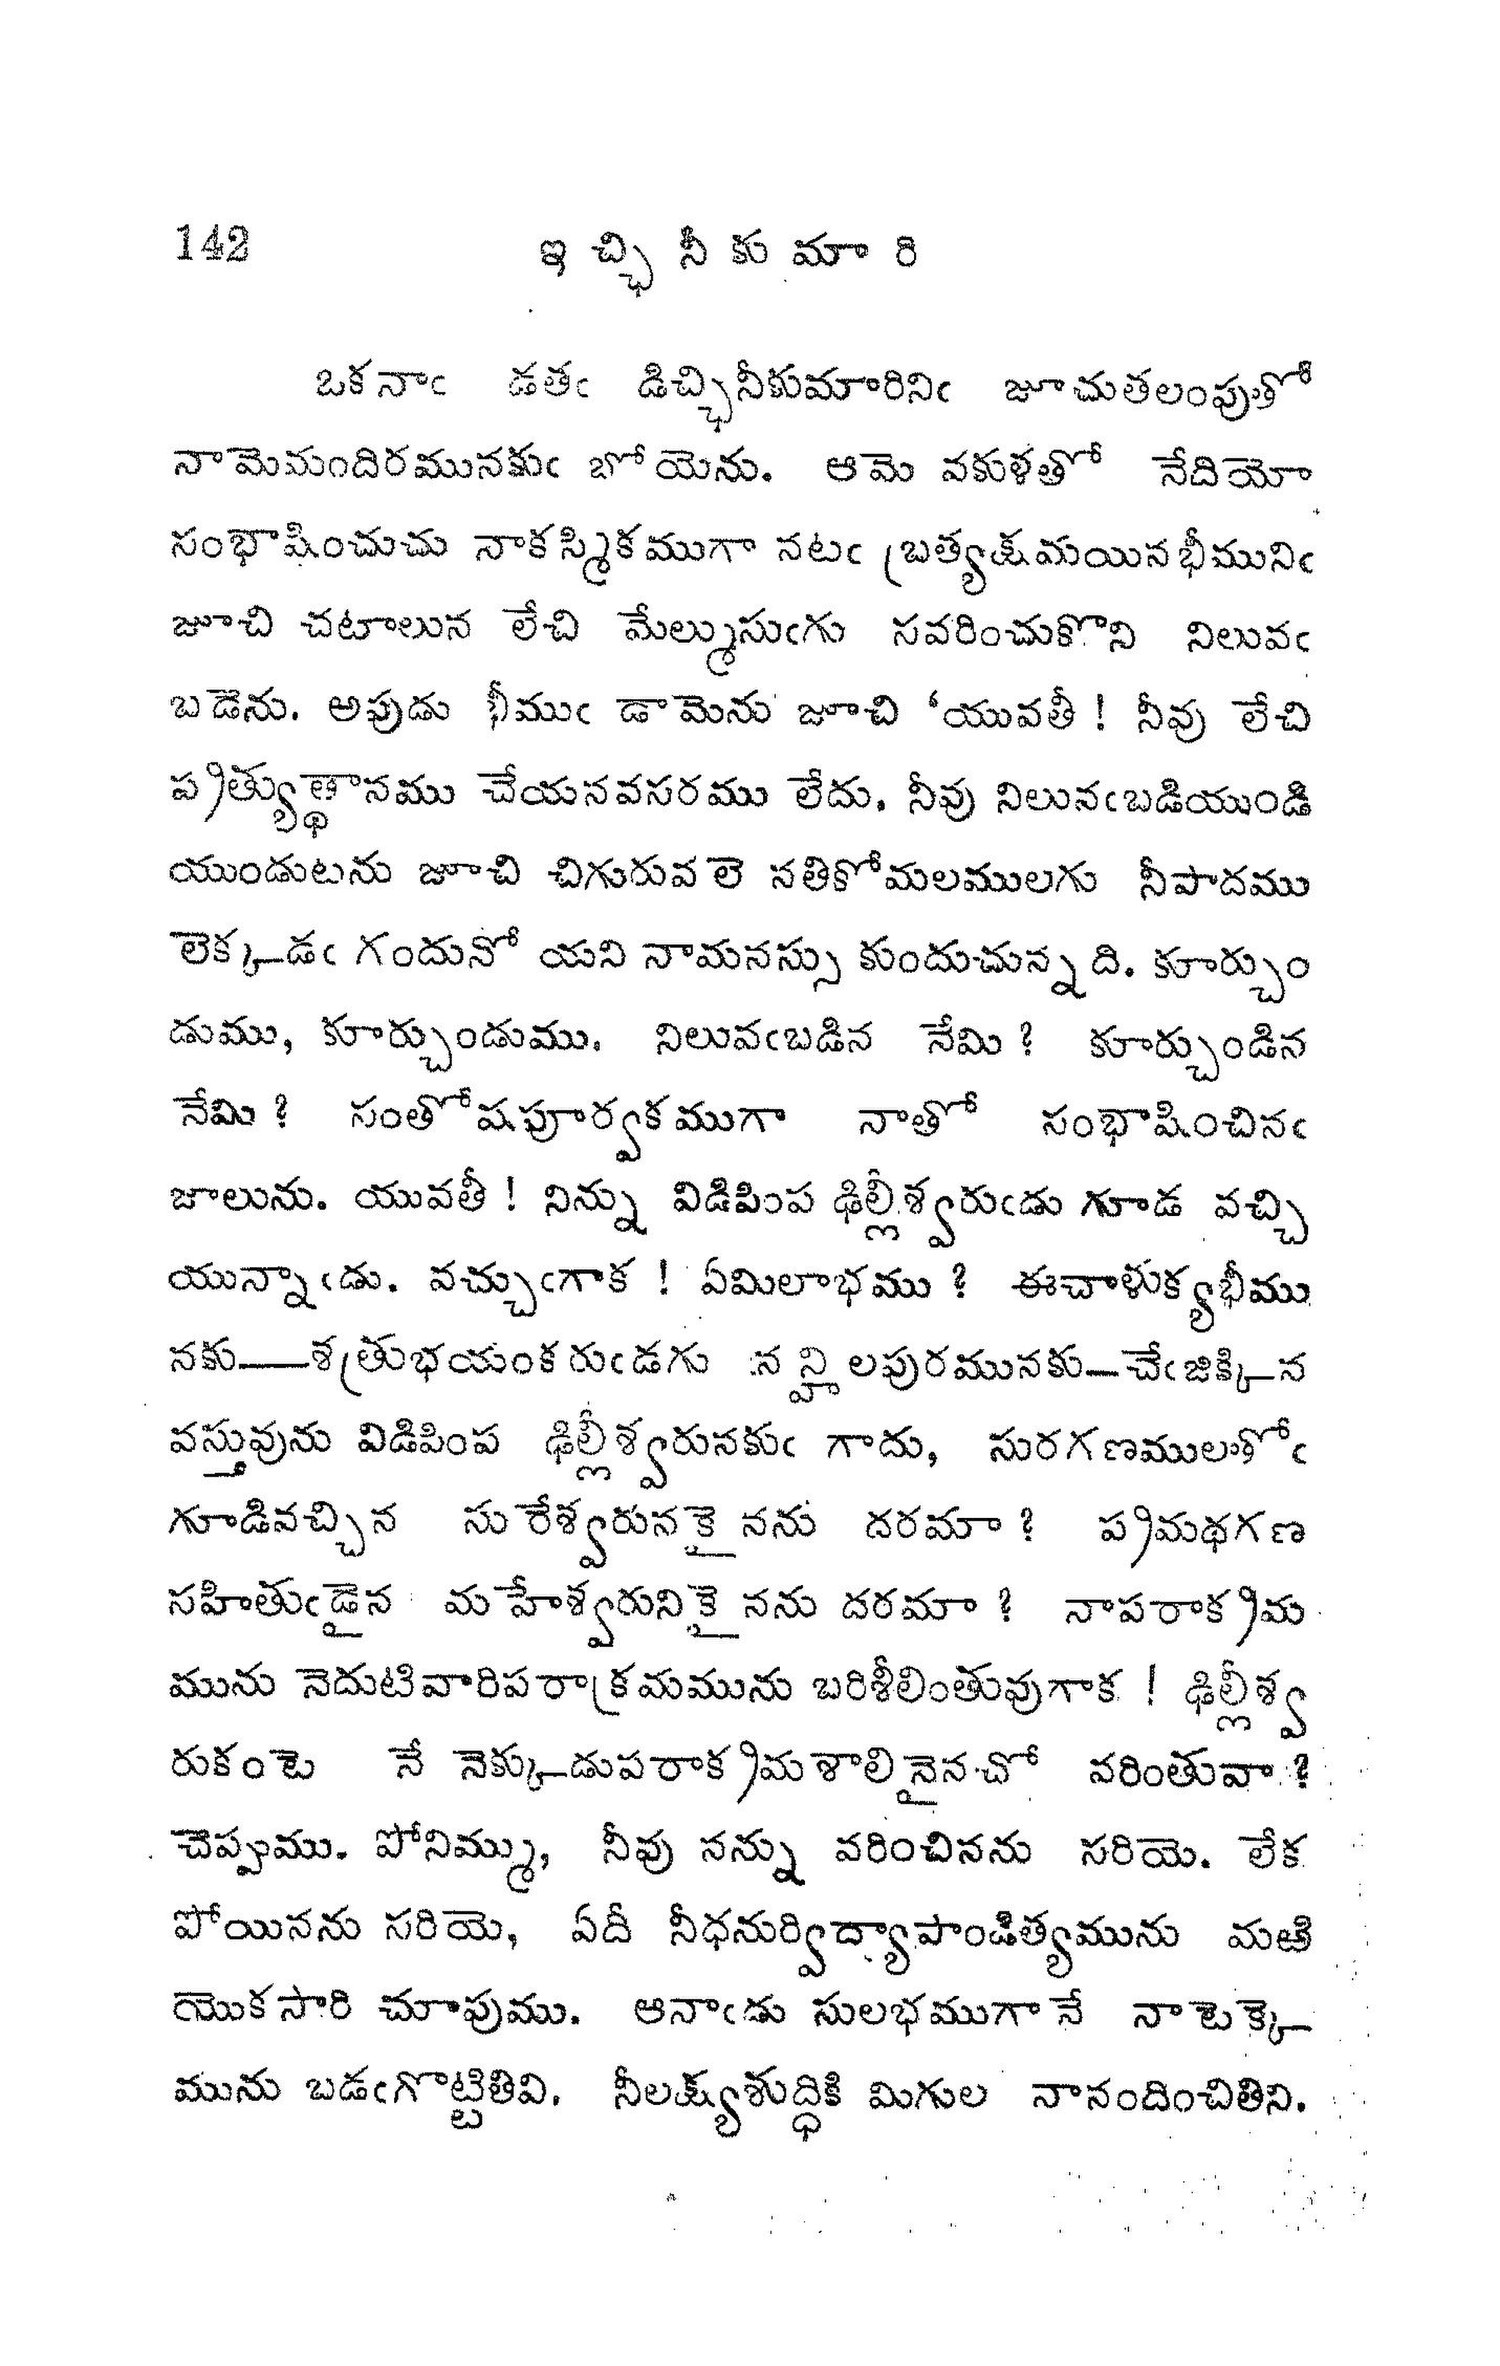ఒక నాడతం డిచ్ఛినీకుమారినిఁ జూచుతలంపుతో
నా మందిరమునకు బోయెను. ఆమె వకుళ తో నేదియో
సంభాషించుచు నాక స్మికముగా నటఁ బ్రత్యక్షమయిన భీమునిఁ
జూచి చటాలున లేచి మేల్ముసుఁగు సవరించుకొని నిలువఁ
బడెను. అపుడు భీముఁ డామెను జూచి 'యువతీ ! నీవు లేచి
ప్రత్యుత్థానము చేయ నవసరము లేదు. నీవు నిలునఁబడియుండి
యుండుటను జూచి చిగురువలె నతికోమలములగు నీ పాదము
లెక్కడఁ గందునో యని నామనస్సు కుందుచున్నది. కూర్చుం
డుము, కూర్చుండుము. నిలువఁబడిన నేమి ? కూర్చుండిన
నేమి ? సంతోష పూర్వకముగా నాతో సంభాషించినఁ
జాలును. యువతీ ! నిన్ను విడిపింప ఢిల్లీశ్వరుఁడు గూడ వచ్చి
యున్నాడు. వచ్చుఁగాక ! ఏమిలాభము ? ఈ చాళుక్య భీము
నకు శత్రుభయంకరుఁడగు నలపురమునకు_చేఁ జిక్కిన
వస్తువును విడిపింప ఢిల్లీశ్వరునకుఁ గాదు, సురగణములతో
గూడివచ్చిన సురేశ్వరునకై నను దరమా ! ప్రమథగణ
సహితుఁడైన - మహేశ్వరునికై నను దరమా ! నాపరాక్రమ
మును నెదుటి వారిప రాక్రమమును బరిశీలింతువు గాక ! ఢిల్లీశ్వ
రుకంటే నెక్కుడుపరాక్రమ శాలినైనచో వరింతువా ?
చెప్పుము. పోనిమ్ము, నీవు నన్ను వరించినను సరియె. లేక
పోయినను సరియె, ఏదీ నీధనుర్విద్యా పాండిత్యమును మఱి
యొక సారి చూపుము. ఆనాఁడు సులభముగానే నా టెక్కె
మును బడఁగొట్టితివి. నీలక్ష్యుశుద్ధికి మిగుల నానందించితిని,